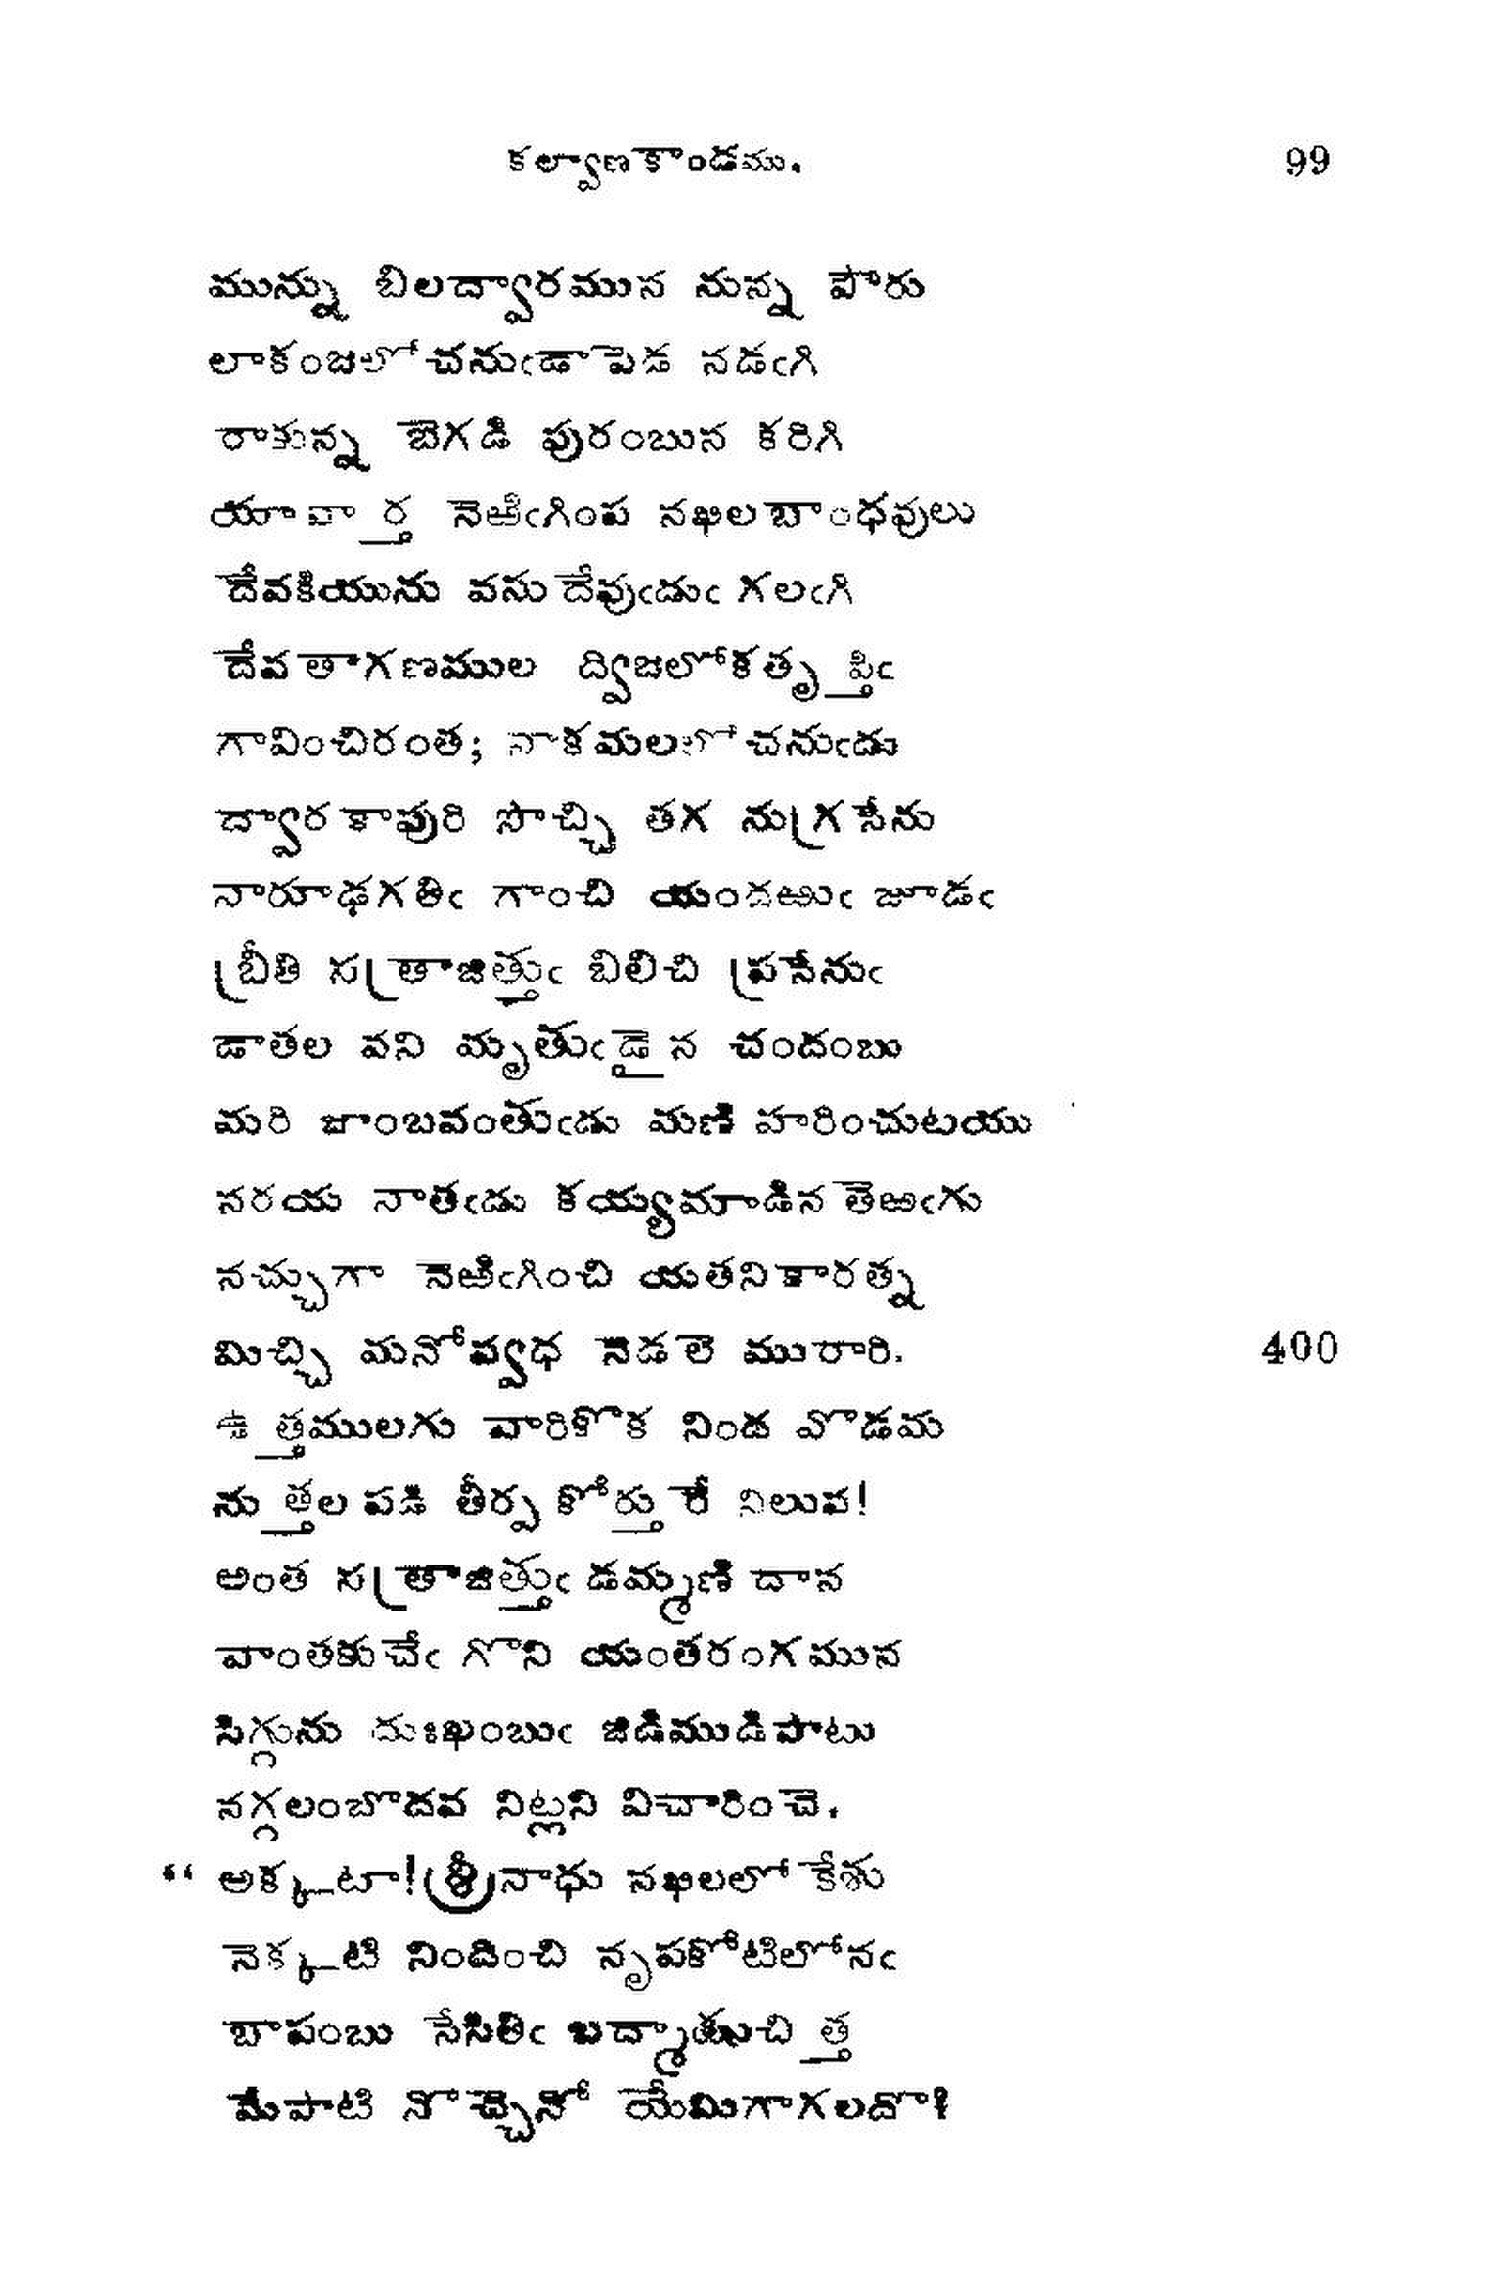మున్ను బిలద్వారమున నున్న పౌరు
లాకంజలోచనుఁ డాపెడ నడఁగి
రాకున్న బెగడి పురంబున కరిగి
యావార్త నెఱిఁగింప నఖిలబాంధవులు
దేవకియును వసుదేవుఁడుఁ గలఁగి
దేవతాగణముల ద్విజలోకతృప్తిఁ
గావించిరంత; నామలలోచనుఁడు
ద్వారకాపురి సొచ్చి తగ నుగ్రసేను
నారూఢగతిఁ గాంచి యందఱుఁ జూడఁ
బ్రీతి సత్రాజిత్తుఁ బిలిచి ప్రసేనుఁ
డాతల వని మృతుఁడైన చందంబు
మరి జాంబవంతుఁడు మణి హరించుటయు
సరయ నాతఁడు కయ్యమాడిన తెఱఁగు
నచ్చుగా నెఱిఁగించి యతని కారత్న
మిచ్చి మనోవ్వధ నెడలె మురారి.
ఉత్తములగు వారికొక నింద వొడమ
నుత్తలపడి తీర్ప కోర్తురే నిలువ!
అంత సత్రాజిత్తుఁ డమ్మణి దాన
వాంతకుచేఁ గొని యంతరంగమున
సిగ్గును దుఃఖంబుఁ జిడిముడిపాటు
నగ్గలంబొదవ నిట్లని విచారించె.
“అక్కటా! శ్రీనాథు నఖిలలోకేశు
నెక్కటి నిందించి నృపకోటిలోనఁ
బాపంబు సేసితిఁ బద్మాక్షుచిత్త
మేపాటి నొచ్చెనో యేమిగాఁగలదొ?